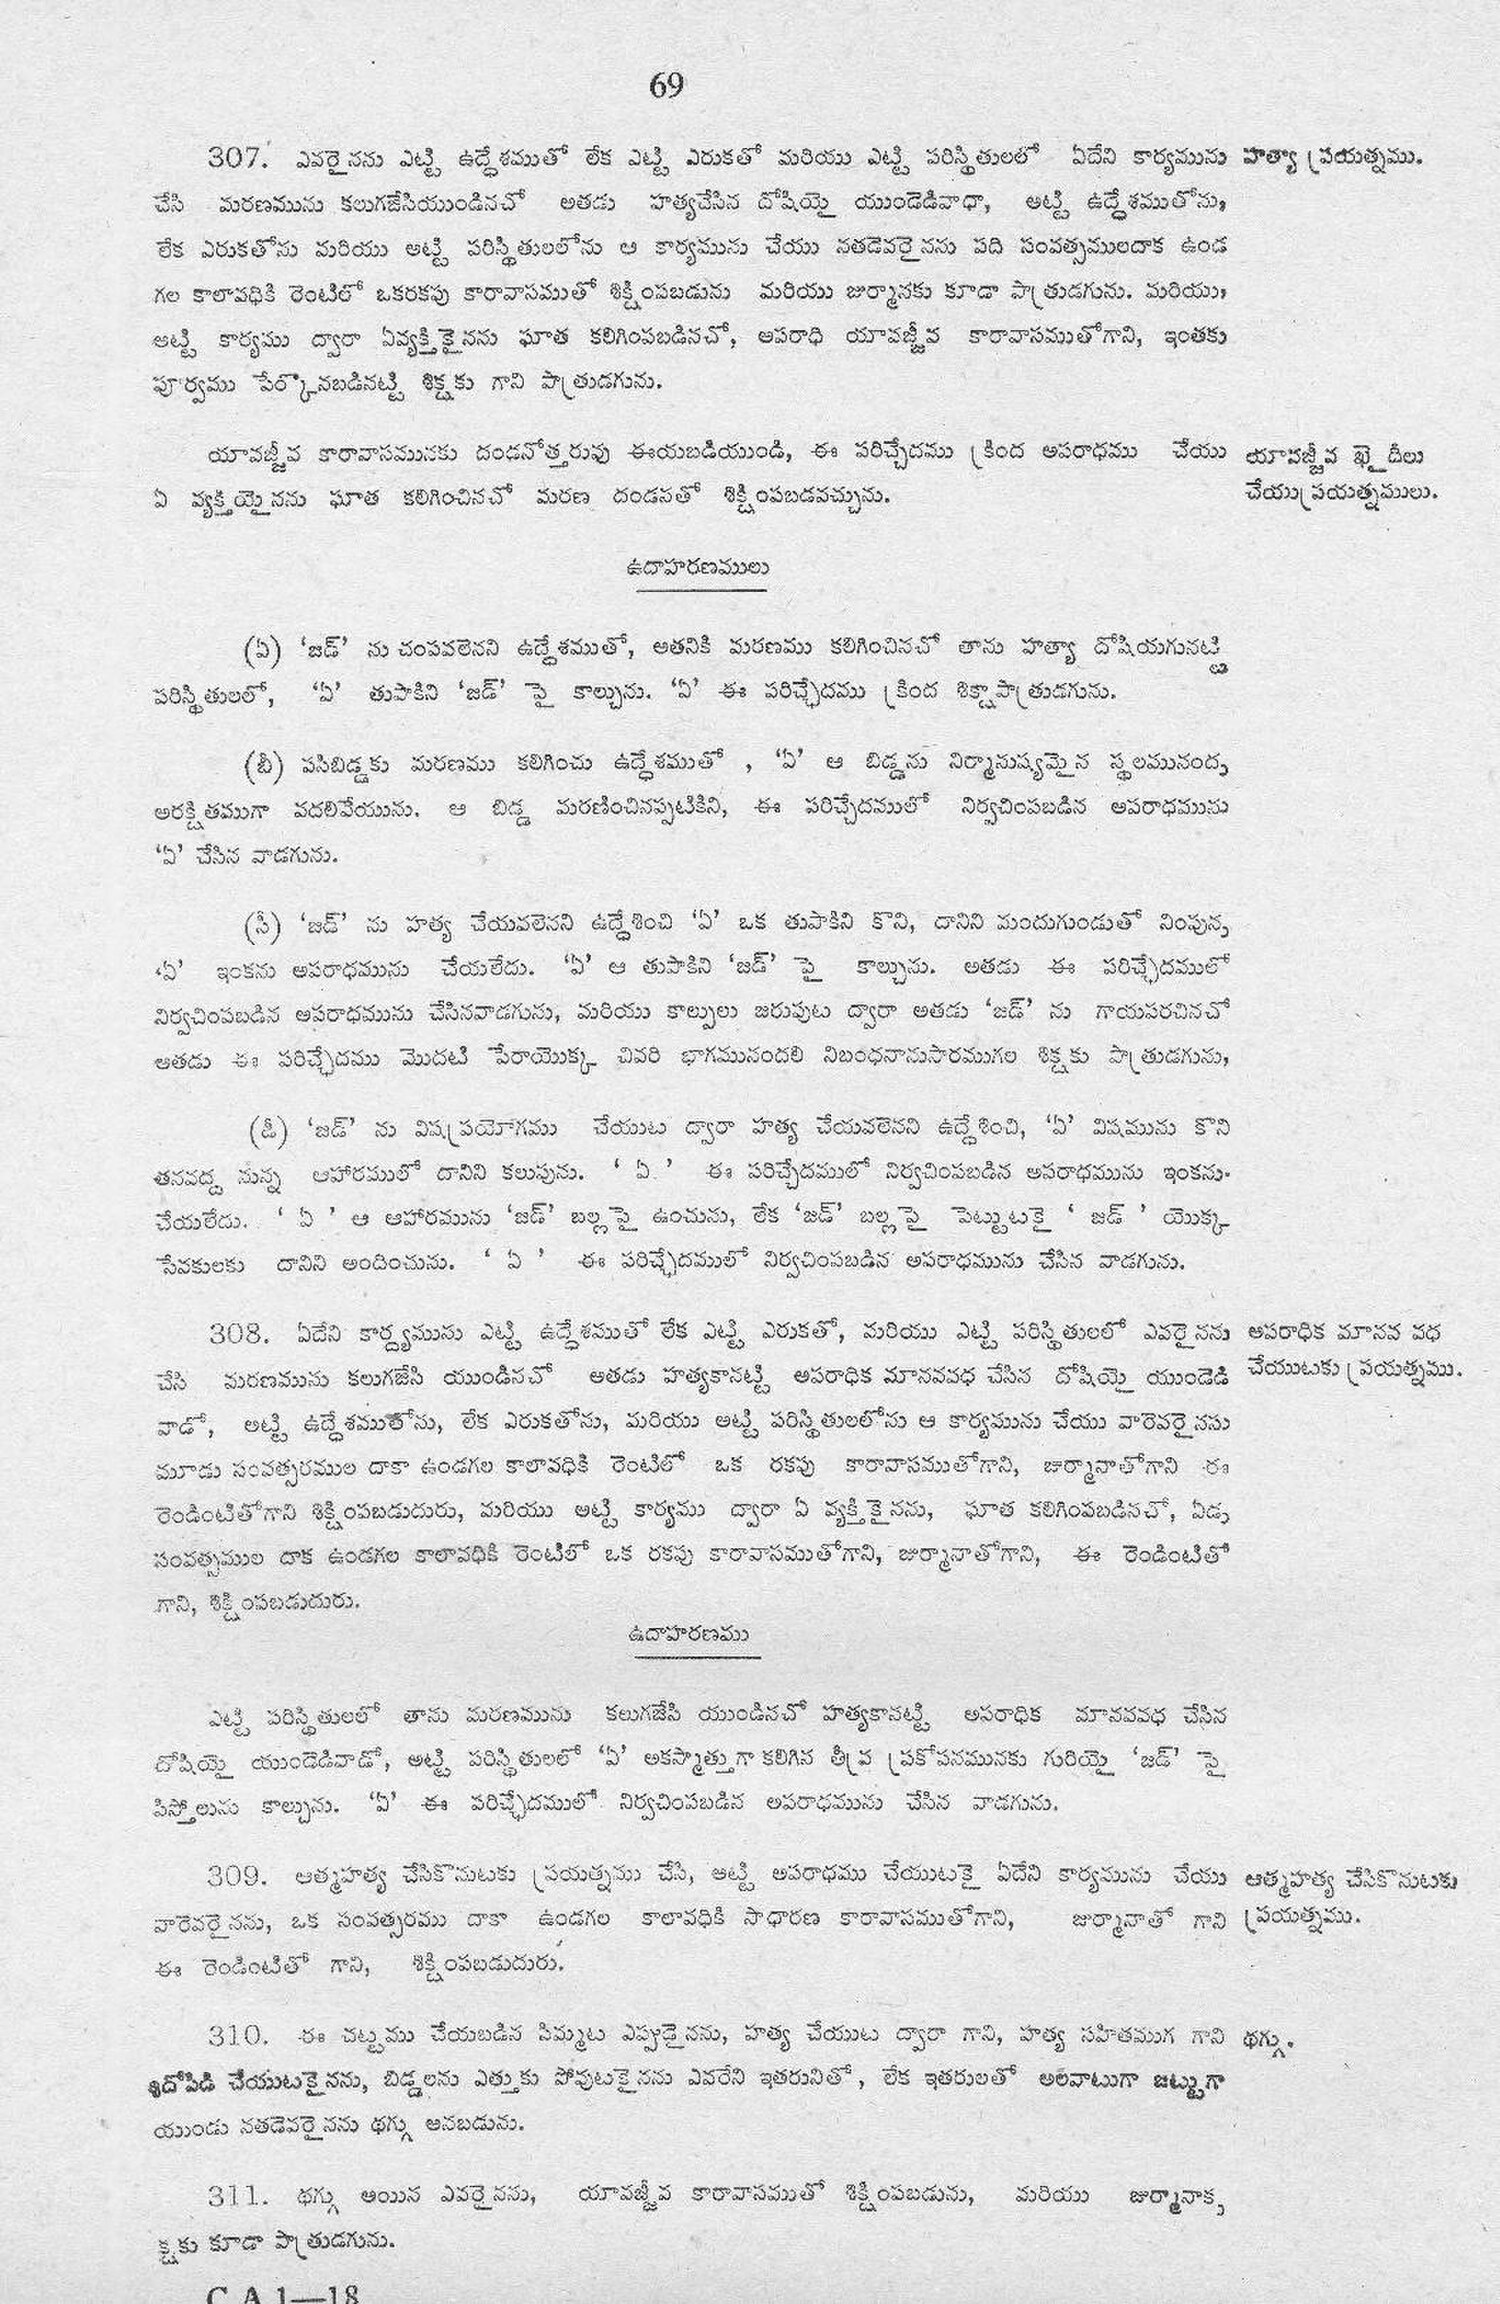హత్యా ప్రయత్నము.

307. ఎవరై నను ఎట్టి ఉద్దేశముతో లేక ఎట్టి ఎరుకతో మరియు ఎట్టి పరిస్థితులలో ఏదేని కార్యమును చేసి మరణమును కలుగజేసియుండినచో అతడు హత్యచేసిన దోషియై యుండెడివాడా, అట్టి ఉద్దేశముతోను, లేక ఎరుకతోను మరియు అట్టి పరిస్థితులలోను ఆ కార్యమును చేయు నతడెవరైనను పది సంవత్సములదాక ఉండగల కాలావధికి రెంటిలో ఒకరకపు కారావాసముతో శిక్షింపబడును మరియు జుర్మానకు కూడా పాత్రుడగును. మరియు, అట్టి కార్యము ద్వారా ఏవ్యక్తికైనను ఘాత కలిగింపబడినచో, అపరాధి యావజ్జీవ కారావాసముతో గాని, ఇంతకు పూర్వము పేర్కొనబడినట్టి శిక్షకు గాని పాత్రుడగును.

యావజ్జీవ ఖైదీలు చేయు ప్రయత్నములు,

యావజ్జీవ కారావాసమునకు దండనోత్త రువు ఈయబడియుండి, ఈ పరిచ్చేదము క్రింద అపరాధము చేయు ఏ వ్యక్తి యైనను ఘాత కలిగించినచో మరణ దండనతో శిక్షింపబడవచ్చును.

(ఏ) 'జడ్' ను చంపవలేనని ఉద్దేశముతో, అతనికి మరణము కలిగించినచో తాను హత్యా దోషియగునట్టి పరిస్థితులలో, 'ఏ' తుపాకిని 'జడ్' పై కాల్చును. 'ఏ' ఈ పరిచ్ఛేదము క్రింద శిక్షాపాత్రుడగును.

(బీ) పసిబిడ్డకు మరణము కలిగించు ఉద్దేశముతో 'ఏ ' ఆ బిడ్డను నిర్మానుష్యమైన స్థలమునంద, అరక్షితముగా వదలివేయును.
ఆ బిడ్డ మరణించినప్పటికిని, ఈ పరిచ్చేదములో నిర్వచింపబడిన అపరాధమును 'ఏ' చేసిన వాడగును.
.
(సీ) 'జడ్' ను హత్య చేయవలెనని ఉద్దేశించి 'ఏ' ఒక తుపాకిని కొని, దానిని మందుగుండుతో నింపున, 'ఏ ' ఇంకను అపరాధమును చేయలేదు. 'ఏ' ఆ తుపాకిని 'జడ్' పై కాల్చును. అతడు ఈ పరిచ్ఛేదములో నిర్వచింపబడిన అపరాధమును చేసినవాడగుసు, మరియు కాల్పులు జరుపుట ద్వారా అతడు 'జడ్' ను గాయపరచినచో అతడు ఈ పరిచ్ఛేదము మొదటి పేరాయొక్క చివరి భాగమునందలి నిబంధనానుసారముగల శిక్షకు పాత్రుడగును,

(డీ) 'జడ్' ను విష ప్రయోగము చేయుట ద్వారా హత్య చేయవలెనని ఉద్దేశించి, 'ఏ' విషమును కొని తనవద్ద నున్న ఆహారములో దానిని కలుపును. ' ఏ.” ఈ పరిచ్చేదములో నిర్వచింపబడిన అపరాధమును ఇంకను చేయలేదు. 'ఏ' ఆ ఆహారమును 'జడ్' బల్లపై ఉంచుసు, లేక 'జడ్' బల్ల పై పెట్టుటకై 'జడ్'యొక్క సేవకులకు దానిని అందించును. 'ఏ' ఈ పరిచ్ఛేదములో నిర్వచింపబడిన అపరాధమును చేసిన వాడగును.

అపరాధిక మానవ వధ చేయుటకు ప్రయత్నము.

308. ఏదేని కార్ద్యమును ఎట్టి ఉద్దేశముతో లేక ఎట్టి ఎరుకతో, మరియు ఎట్టి పరిస్థితులలో ఎవరైనను చేసి మరణమును కలుగజేసి యుండినచో అతడు హత్య కానట్టి అపరాధిక మానవవధ చేసిన దోషియై యుండెడి వాడో, అట్టి ఉద్దేశముతోను, లేక ఎరుకతోను, మరియు అట్టి పరిస్థితులలోను ఆ కార్యమును చేయు వారెవరై నను మూడు సంవత్సరముల దాకా ఉండగల కాలావధికి రెంటిలో ఒక రకపు కారావాసముతోగాని, జుర్మానా తో గాని ఈ రెండింటితో గాని శిక్షింపబడుదురు, మరియు అట్టి కార్యము ద్వారా ఏ వ్యక్తి కైనను, ఘాత కలిగింపబడినచో, ఏడు సంవత్సముల దాక ఉండగల కాలావధికి రెంటిలో ఒక రకపు కారావాసముతోగాని, జుర్మానాతో గాని, ఈ రెండింటితో గాని, శిక్షింపబడుదురు.

ఎట్టి పరిస్థితులలో తాను మరణమును కలుగజేసి యుండినచో హత్యకానట్టి అపరాధిక మానవవధ చేసిన దోషియై యుండెడివాడో, అట్టి పరిస్థితులలో 'ఏ' అకస్మాత్తు గా కలిగిన తీవ్ర ప్రకోపనమునకు గురియై 'జడ్' "పై పిస్తోలును కొల్చును. 'ఏ' ఈ పరిచ్ఛేదములో నిర్వచింపబడిన అపరాధమును చేసిన వాడగును.

ఆత్మహత్య చేసికొనుటకు ప్రయత్నము.

309. ఆత్మహత్య చేసికొనుటకు ప్రయత్నము చేసి, అట్టి అపరాధము చేయుటకై ఏదేని కార్యమును చేయు వారెవరైనను, ఒక సంవత్సరము దాకా ఉండగల కాలావధికి సాధారణ కారావాసముతోగాని,జుర్మానాతో గాని ఈ రెండింటితో గాని, శిక్షింపబడుదురు.

థగ్గు 

310. ఈ చట్టము చేయబడిన పిమ్మట ఎప్పుడైనను, హత్య చేయుట ద్వారా గాని, హత్య సహితముగ గాని దోపిడి చేయుటకై నను, బిడ్డలను ఎత్తుకు పోవుటకై నను ఎవరేని ఇతరునితో, లేక ఇతరులతో అలవాటుగా జట్టుగా యుండు నతడెవరైనను థగ్గు అనబడును.

311. థగ్గు అయిన ఎవరైనను, యావజ్జీవ కారావాసముతో శిక్షింపబడును, మరియు జుర్మానాకు కూడా పాత్రుడగును.